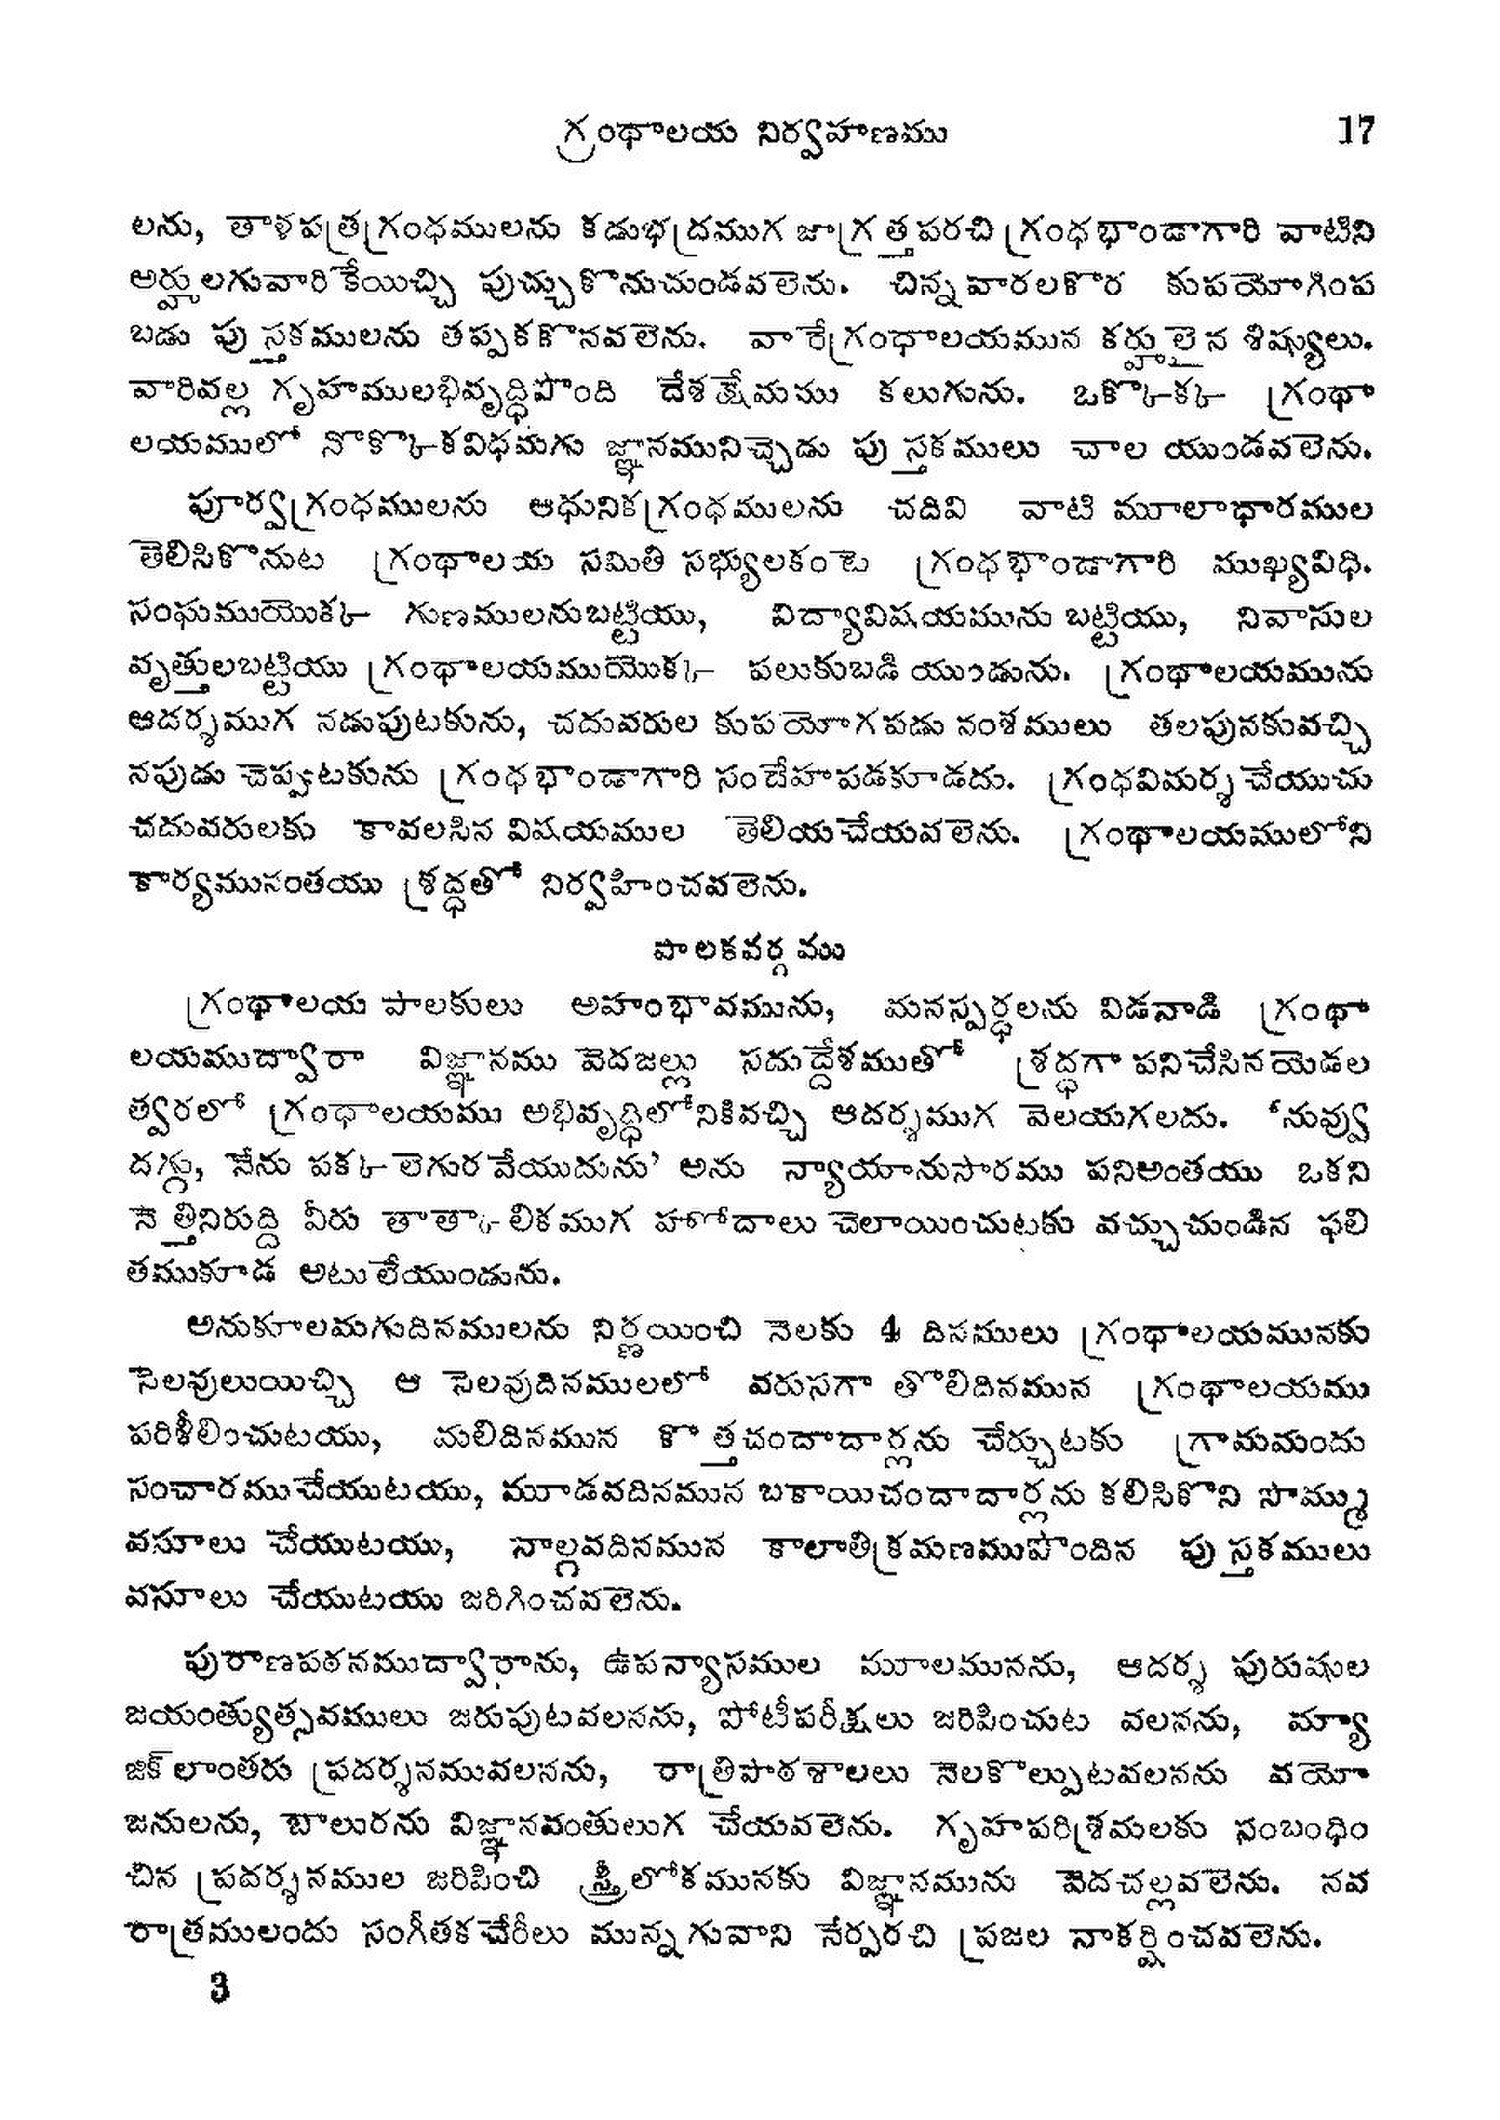లను, తాళపత్రగ్రంధములను కడుభద్రముగ జాగ్రత్తపరచి గ్రంథభాండాగారి వాటిని అర్హులగువారికేయిచ్చి పుచ్చుకొనుచుండవలెను. చిన్నవారలకొర కుపయోగింపబడు పుస్తకములను తప్పకకొనవలెను. వారే గ్రంధాలయమున కర్హులైన శిష్యులు. వారివల్ల గృహములభివృద్ధిపొంది దేశక్షేమము కలుగును. ఒక్కొక్క గ్రంథాలయములో నొక్కొకవిధమగు జ్ఞానమునిచ్చెడు పుస్తకములు చాల యుండవలెను.

పూర్వగ్రంధములను ఆధునిక గ్రంధములను చదివి వాటి మూలాధారముల తెలిసికొనుట గ్రంథాలయ సమితి సభ్యులకంటే 
గ్రంథభాండాగారి ముఖ్యవిధి. సంఘముయొక్క గుణములను బట్టియు, విద్యావిషయమును బట్టియు, నివాసుల వృత్తులబట్టియు గ్రంథాలయము యొక్క పలుకుబడి యుండును. గ్రంథాలయమును ఆదర్శముగ నడుపుటకును, చదువరుల కుపయోగపడు 
వంశములు తలపునకు వచ్చినపుడు చెప్పుటకును గ్రంధభాండాగారి సందేహపడకూడదు. గ్రంధవిమర్శ చేయుచు చదువరులకు 
కావలసిన విషయములు తెలియచేయవలెను. గ్రంథాలయములోని కార్యమునంతయు శ్రద్ధతో నిర్వహించవలెను.

గ్రంథాలయ పాలకులు అహంభావమును, మనస్పర్ధలను విడనాడి గ్రంథాలయముద్వారా విజ్ఞానము వెదజల్లు సదుద్దేశముతో శ్రద్ధగా పనిచేసిన యెడల త్వరలో గ్రంధాలయము అభివృద్ధిలోనికివచ్చి ఆదర్శముగ వెలయగలదు. 'నువ్వు దగ్గు, నేను పక్క లెగుర వేయుదును' అను న్యాయానుసారము పనిఅంతయు ఒకనిసేత్తినిరుద్ది వీరు తాత్కాలికముగ హోదాలు చెలాయించుటకు 
వచ్చుచుండిన ఫలితముకూడ అటులేయుండును.

అనుకూలమగుదినములను నిర్ణయించి నెలకు 4 దినములు గ్రంథాలయమునకు సెలవులుయిచ్చి ఆ సెలవుదినములలో వరుసగా తొలిదినమున గ్రంథాలయము పరిశీలించుటయు, మలిదినమున కొత్తచందాదార్లను చేర్చుటకు గ్రామమందు సంచారము చేయుటయు, మూడవదినమున బకాయి చందాదార్లను కలిసికొని సొమ్ము వసూలు చేయుటయు, నాల్గవదినమున కాలాతిక్రమణముపొందిన
పుస్తకములు వసూలు చేయుటయు జరిగించవలెను.

పురాణపఠనముద్వారాను, ఉపన్యాసములు మూలమునను, ఆదర్శ పురుషులు జయంత్యుత్సవములు జరుపుటవలనను, పోటీపరీక్షలు జరిపించుట వలనను, మ్యాజిక్ లాంతరు ప్రదర్శనమువలనను, రాత్రి పాఠశాలలు నెలకొల్పుటవలనను వయోజనులను, బాలురను విజ్ఞానవంతులుగ చేయవలెను. గృహపరిశ్రమలకు సంబంధించిన ప్రదర్శనముల జరిపించి స్త్రీలోకమునకు విజ్ఞానమును వెదచల్లవలెను. నవరాత్రములందు సంగీతకచేరీలు మున్నగువాని నేర్పరచి ప్రజల నాకర్షించవలెను.